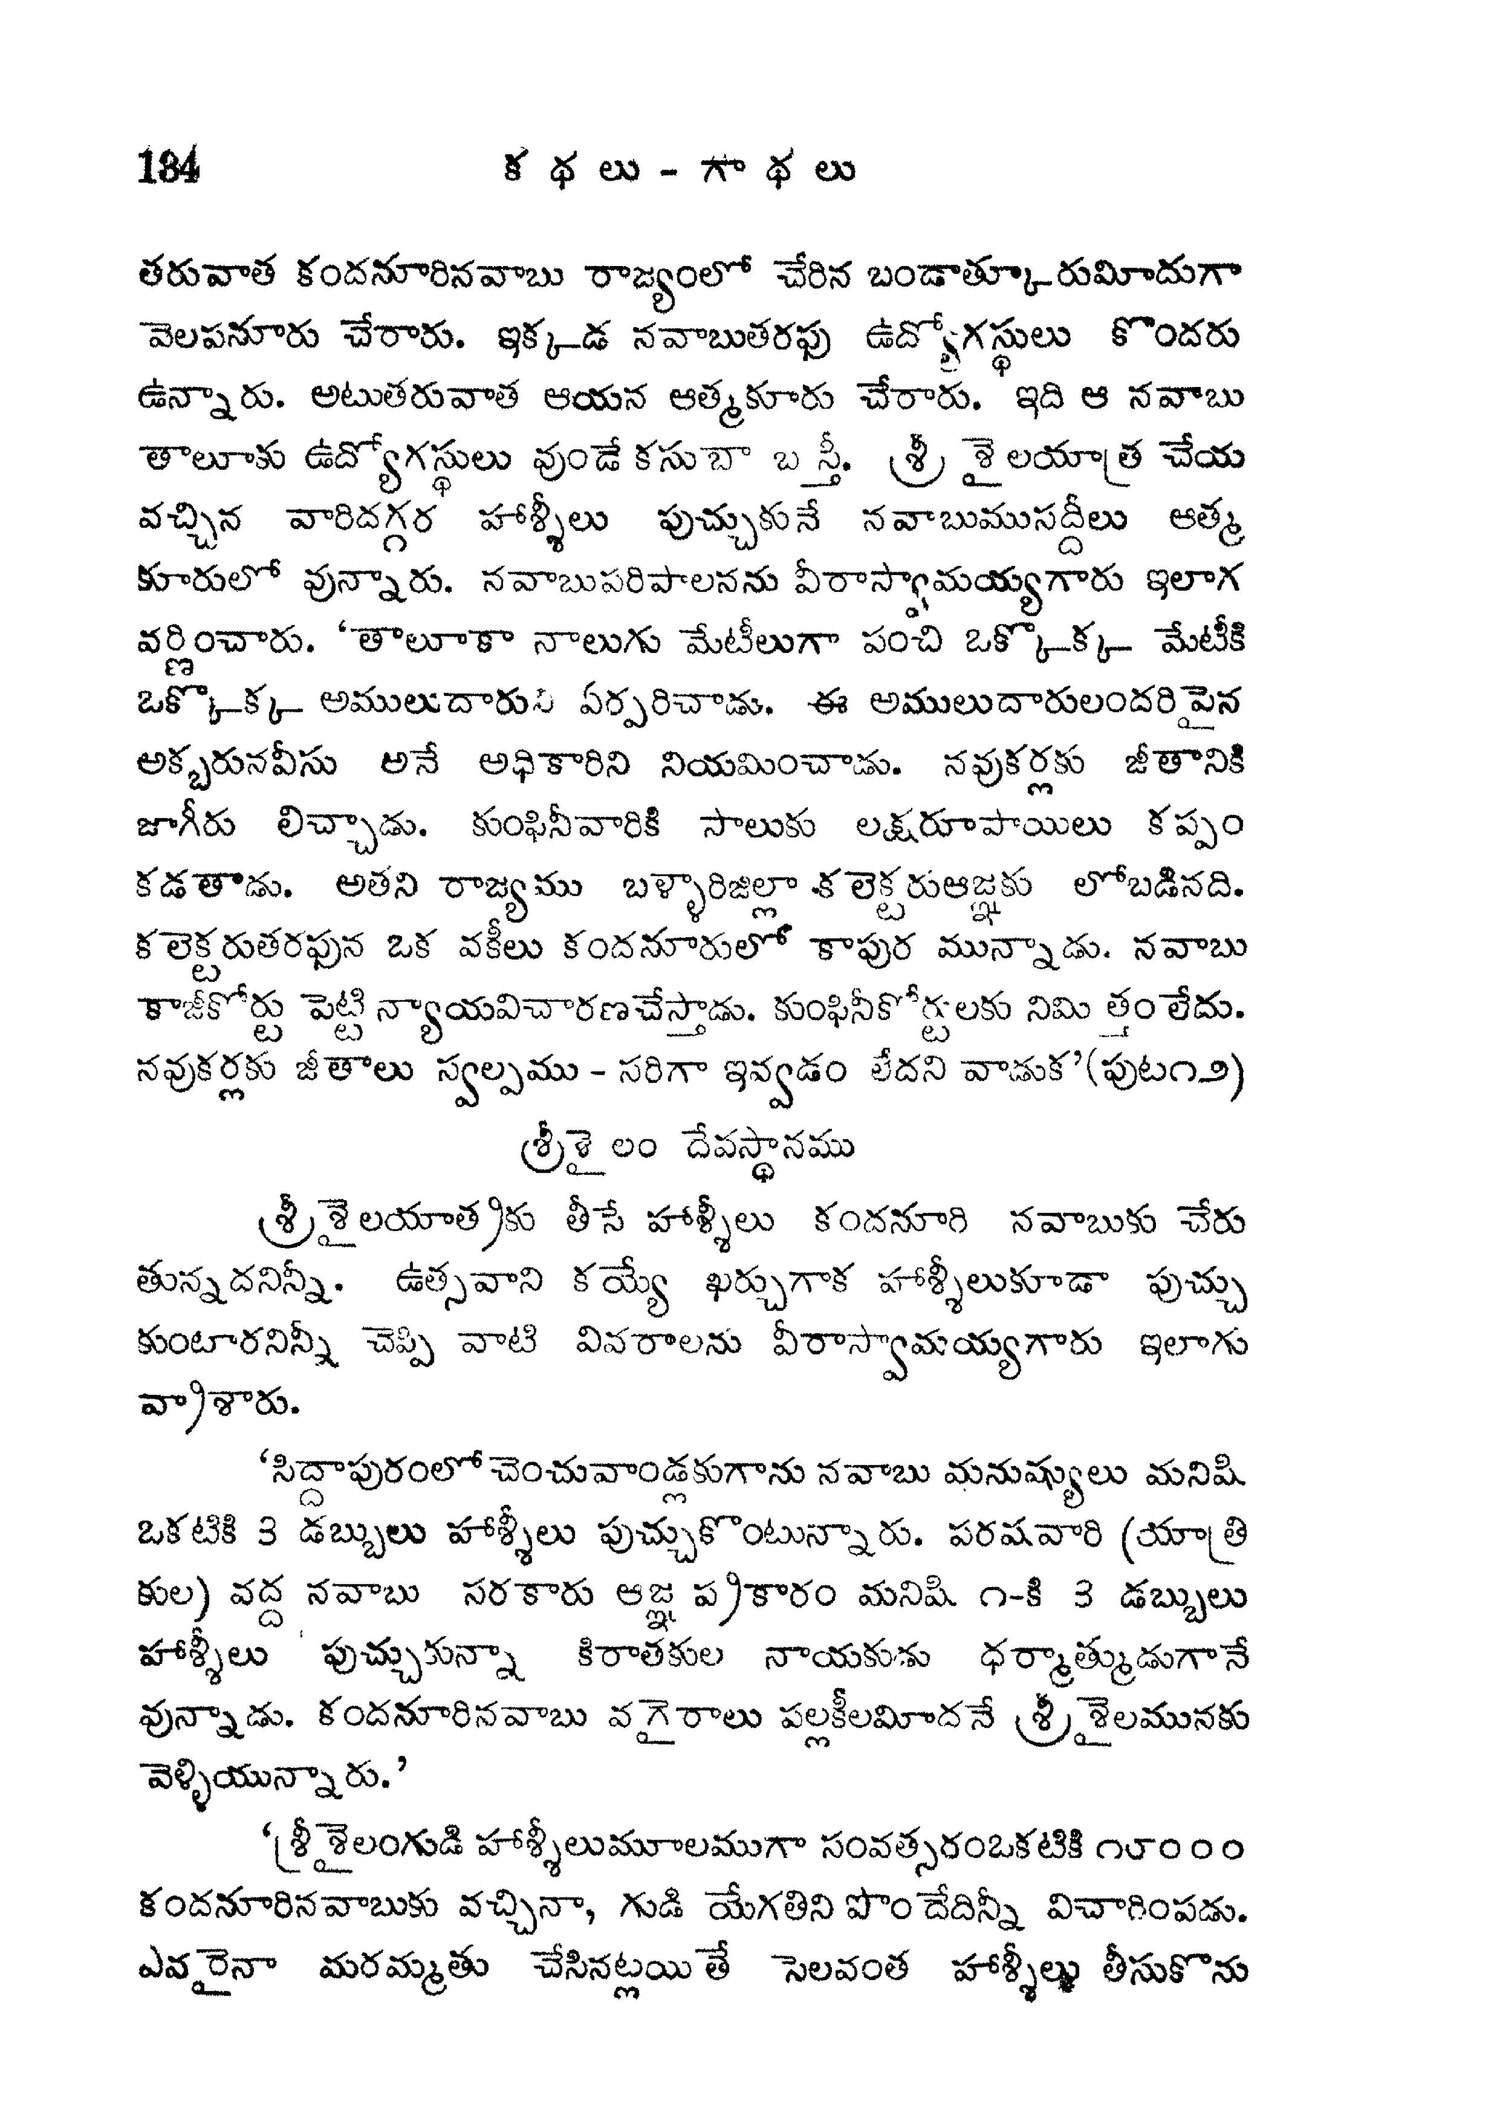తరువాత కందనూరినవాబు రాజ్యంలో చేరిన బండత్కూరు మీదుగా వెలపనూరు చేరారు. ఇక్కడ నవాబుతరపు ఉద్యోగస్థులు కొందరు ఉన్నారు. అటుతరువాత ఆయన ఆత్మకూరు చేరారు. ఇది ఆ నవాబు తాలూకు ఉద్యోగస్థులు వుండే కసుంబాబస్తీ. శ్రీశైలయాత్ర చేయవచ్చిన వారిదగ్గర హాశ్శీలు పుచ్చుకునే నవాబు ముసద్దీలు ఆత్మకూరులో వున్నారు. నవాబుపరిపాలనను వీరాస్వామయ్యగారు ఇలాగ వర్ణించారు. 'తాలూకా నాలుగు మేటీలుగా పంచి ఒక్కొక్క మేటీకి ఒక్కొక్క అములుదారుని ఏర్పరిచాడు. ఈ అములు దార్లందిరి పైన అక్బరునవీసు అనే అధికారిని నియమించాడు. నవుకర్లకు జీతానికి జాగీరు లిచ్చాడు. కుంఫినీవారికి సాలుకు లక్షరూపాయిలు కప్పం కడతాడు. అతని రాజ్యము బళ్లారిజిల్లా కలెక్టరు ఆజ్ఞకు లోబడినది. కలెక్టరుతరపున ఒక వకీలు కందనూరులొ కాపుర మున్నాడు. నవాబు కాజీకొర్టు పెట్టి న్యాయవిచారణచేస్తాడు. కుంఫినీకోర్డులకు నిమిత్తంలేదు. నవుకర్లకు జీతాలు స్వల్పము - సరిగా ఇవ్వడం లెదని వాడుక(పుట12)

శ్రీశైలయాత్రకు తీసే హాశ్శీలు కందనూరి నవాబుకు చేరుతున్నదనిన్నీ, ఉత్సవాని కయ్యే ఖర్చుగాక హశ్శీలుకూడా పుచ్చుకుంటారనిన్నీ చెప్పి వాటి వివరాలను వీరాస్యామయ్యగారు ఇలాగు వ్రాశారు.

'సిద్ధాపురంలో చెంచువాండ్లకుగాను నవాబు మనుష్యులు మనిషి ఒకటికి 3 డబ్బులు హాశ్శీలు పుచ్చుకొంటున్నారు. పరషవారి (యాత్రికుల)వద్ద నవాబు సరకారు ఆజ్ఞప్రకారం మనిషి 1 కి 3 డబ్బులు హాశ్శీలు పుచ్చుకున్నా కిరాతకుల నాయకుడు ధర్మాత్ముడుగానే వున్నాడు. కందనూరునవాబు వగైరాలు పల్లకీలమీదనే శ్రీశైలమునకు వెళ్ళియున్నారు.

'శ్రీశైలంగుడి హాశ్శీలుమూలముగా సంవత్స్దరం ఒకటికి 18000 కందనూరునవాబుకు వచ్చినా, గుడి యేగతిని పొందేదిన్నీ విచారింపడు. ఎవరైనా మరమ్మతు చేసినట్లయితే సెలవంత హాశ్శీలు తీసుకొను